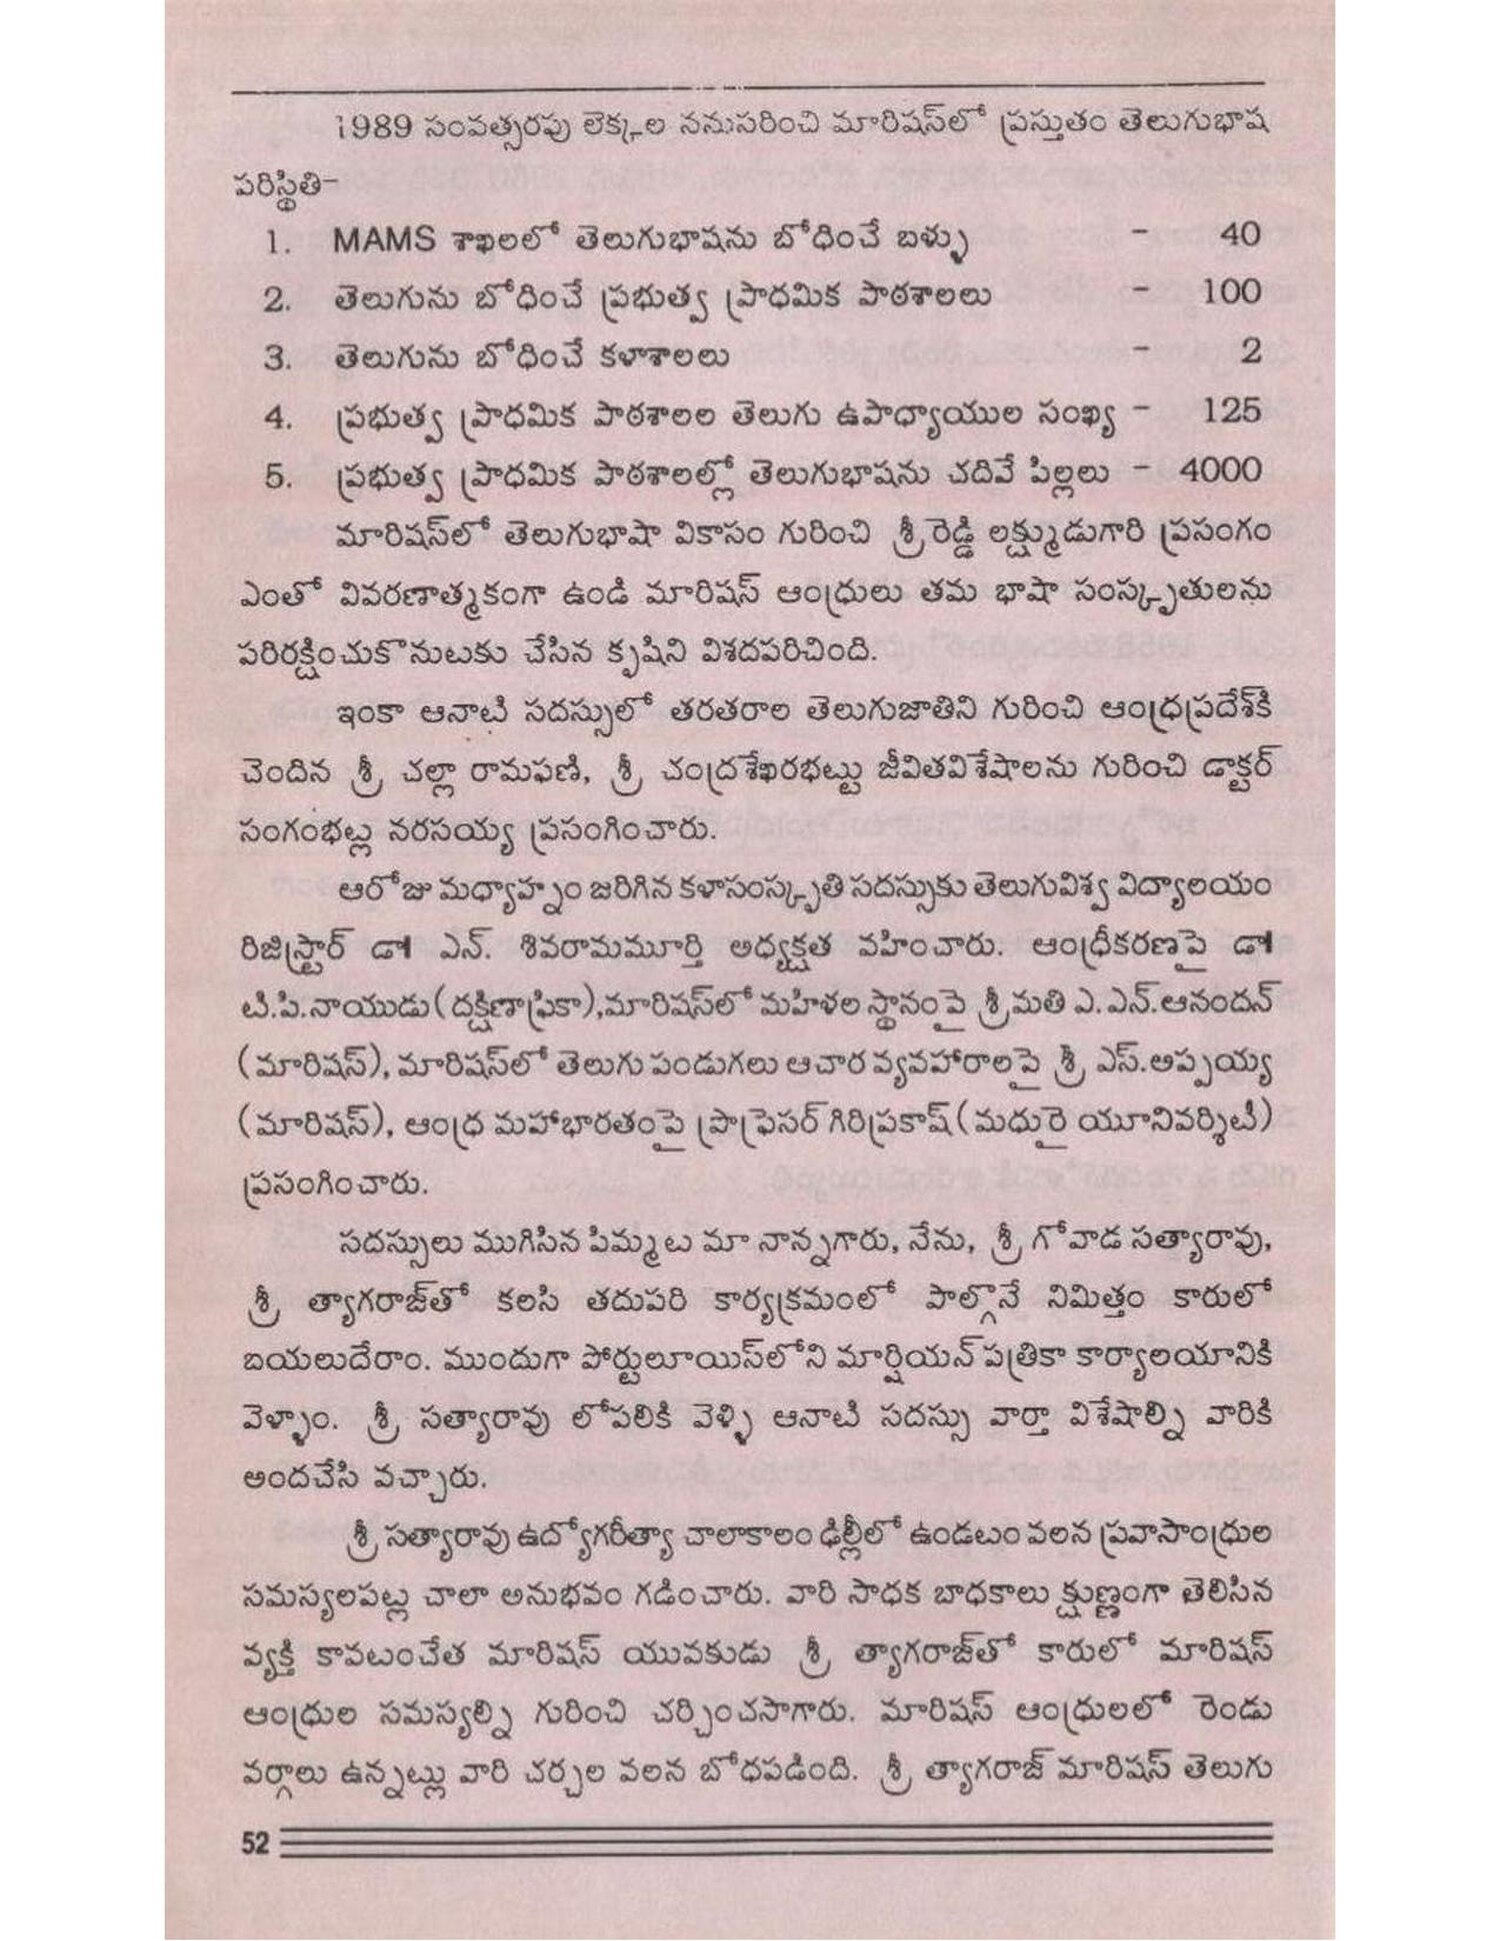1989 సంవత్సరపు లెక్కల ననుసరించి మారిషస్‌లో ప్రస్తుతం తెలుగుభాష పరిస్థితి

 1. MAMS శాఖలలో తెలుగుభాషను బోధించే బళ్ళు- 40 2. తెలుగును బోధించే ప్రభుత్వ ప్రాధమిక పాఠశాలలు - 100 3. తెలుగును బోధించే కళాశాలలు -2 4. ప్రభుత్వ ప్రాధమిక పాఠశాలల తెలుగు ఉపాధ్యాయుల సంఖ్య - 125 5. ప్రభుత్వ ప్రాధమిక పాఠశాలల్లో తెలుగుభాషను చదివే పిల్లలు - 4000

మారిషస్‌లో తెలుగుభాషా వికాసం గురించి శ్రీరెడ్డి లక్ష్ముడుగారి ప్రసంగం ఎంతో వివరణాత్మకంగా ఉండి మారిషస్ ఆంధ్రులు తమ భాషా సంస్కృతులను పరిరక్షించుకొనుటకు చేసిన కృషిని విశదపరిచింది.

ఇంకా ఆనాటి సదస్సులో తరతరాల తెలుగుజాతిని గురించి ఆంధ్రప్రదేశ్‌కి చెందిన శ్రీ చల్లా రామఫణి, శ్రీ చంద్రశేఖరభట్టు జీవితవిశేషాలను గురించి డాక్టర్ సంగంభట్ల నరసయ్య ప్రసంగించారు.

ఆరోజు మధ్యాహ్నం జరిగిన కళాసంస్కృతి సదస్సుకు తెలుగువిశ్వ విద్యాలయం రిజిస్ట్రార్ డా॥ ఎన్. శివరామమూర్తి అధ్యక్షత వహించారు. ఆంధ్రీకరణపై డా టి.పి.నాయుడు(దక్షిణాఫ్రికా),మారిషస్‌లో మహిళల స్థానంపై శ్రీమతి ఎ.ఎన్. ఆనందన్ (మారిషస్), మారిషస్‌లో తెలుగు పండుగలు ఆచార వ్యవహారాలపై శ్రీ ఎస్.అప్పయ్య (మారిషస్), ఆంధ్ర మహాభారతంపై ప్రొఫెసర్‌గిరిప్రకాష్ (మధురై యూనివర్శిటీ) ప్రసంగించారు.

సదస్సులు ముగిసిన పిమ్మట మా నాన్నగారు, నేను, శ్రీ గోవాడ సత్యారావు, శ్రీ త్యాగరాజ్‌తో కలసి తదుపరి కార్యక్రమంలో పాల్గొనే నిమిత్తం కారులో బయలుదేరాం, ముందుగా పోర్టులూయిస్‌లోని మార్షియన్ పత్రికా కార్యాలయానికి వెళ్ళాం. శ్రీ సత్యారావు లోపలికి వెళ్ళి ఆనాటి సదస్సు వార్తా విశేషాల్ని వారికి అందచేసి వచ్చారు.

శ్రీ సత్యారావు ఉద్యోగరీత్యా చాలాకాలం ఢిల్లీలో ఉండటంవలన ప్రవాసాంధ్రుల సమస్యలపట్ల చాలా అనుభవం గడించారు. వారి సాధక బాధకాలు క్షుణ్ణంగా తెలిసిన వ్యక్తి కావటంచేత మారిషస్ యువకుడు శ్రీ త్యాగరాజ్‌తో కారులో మారిషస్ ఆంధ్రుల సమస్యల్ని గురించి చర్చించసాగారు, మారిషస్ ఆంధ్రులలో రెండు వర్గాలు ఉన్నట్లు వారి చర్చల వలన బోధపడింది. శ్రీ త్యాగరాజ్ మారిషస్ తెలుగు